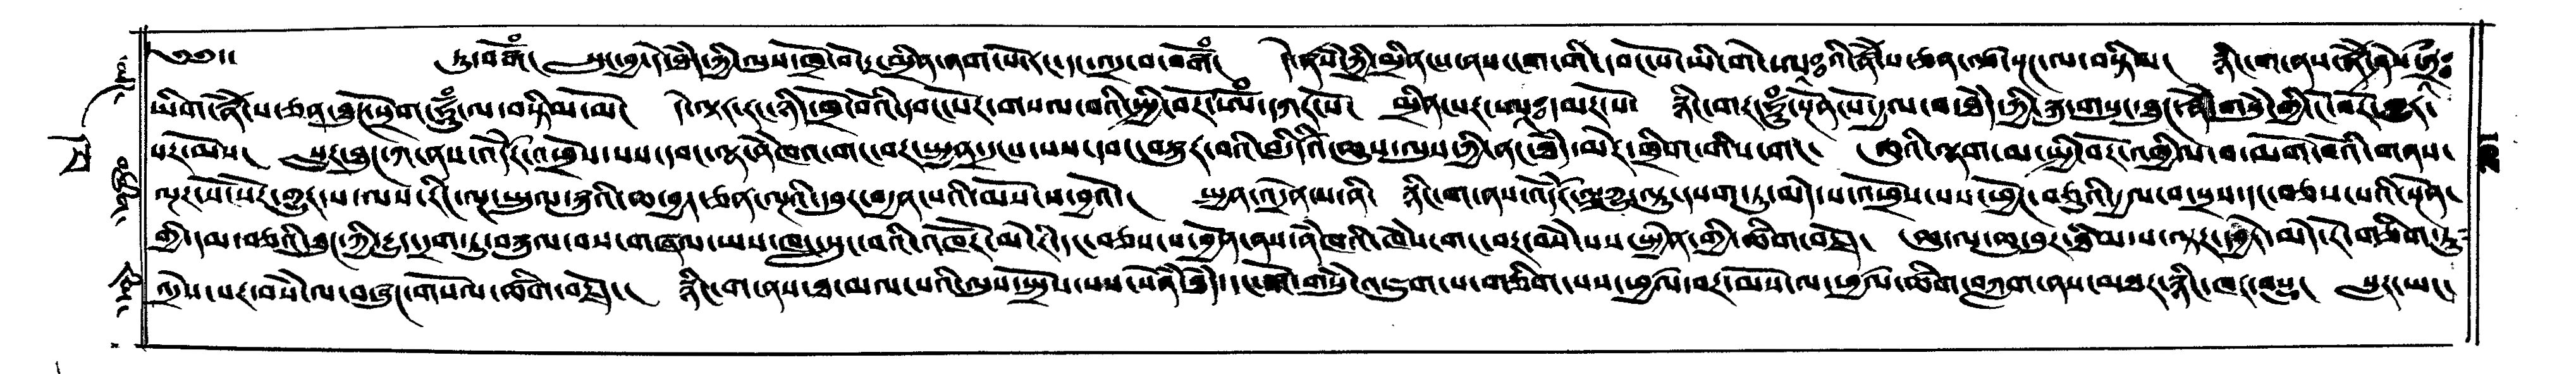ཏུ་བསྒོམ། སྲུང་བྱ་དེ་ཐམས་ཅད་ཀྱི་ལུས་ཁྲོ་བོ་རྟ་མགྲིན་ནག་པོ་རང་དང་འདྲ་བ་བསྒོམ། དེ་རྣམས་ཀྱི་མགྲིན་པ་ནས་ངག་གི་དབང་པོ་ཡི་གེ་ཨཱཿཡི་རྣམ་པ་ཅན་རྩ་སྔགས་ལ་བསྟིམ། སྙིང་ག་ནས་རྣམ་ཤེས་ཧྲཱིཿ
ཡིག་གི་རྣམ་པ་ཅན་ཐུགས་སྲོག་ཧཱུྃ་ལ་བསྟིམ་མོ། དེ་ལྟར་རང་ཉིད་ཁྲོ་བོའི་དབང་པོར་གསལ་བའི་སྤྱི་བོར་ཨོཾ་དཀར་པོ། རྟ་མགྲིན་པར་ཨཱཿདམར་པོ། །སྙིང་གར་ཧཱུཾ་སྔོན་པོ་རྒྱལ་བ་ཐམས་ཅད་ཀྱི་སྐུ་གསུང་ཐུགས་རྡོ་རྗེ་གསུམ་གྱི་ངོ་བོར་གྱུར་
པར་མོས།སླར་ཐུགས་ཀ་ནས་འོད་ཟེར་འཕྲོས་པས་དབང་ལྷ་ནམ་མཁའ་གང་བ་སྤྱན་དྲངས་པས་དབང་བསྐུར་བའི་བདུད་རྩིའི་ཆུས་ལུས་ཀྱི་ནང་ཐམས་ཅད་མེར་ཁྲིག་གིས་གང་། ཆུའི་ལྷག་མ་སྤྱི་བོར་འཁྱིལ་བ་མགོ་བོའི་གནས་
ལྔར་སོ་སོར་གྱུར་པ་ལས་རིགས་ལྔ་སྤྲུལ་སྐུའི་ཆ་བྱད་ཅན་ལྔའི་དབུ་བརྒྱན་པའི་མོས་པ་བྱའོ།། སྤྱན་འདྲེན་པ་ནི། སྙིང་ག་ནས་འོད་ཟེར་ལྕགས་ཀྱུ་ལྟ་བུ་དཔག་ཏུ་མེད་པ་འཕྲོས་པས་ཕྱོགས་བཅུའི་རྒྱལ་བ་སྲས་དང་བཅས་པའི་སྔོན་
གྱི་དམ་བཅའ་དང་ཐུགས་ཀྱི་རྒྱུད་དྲག་ཏུ་བསྐུལ་བས་གཞལ་ཡས་ཁང་སྲུང་བའི་འཁོར་ལོ་མེ་རི་དང་བཅས་པ་བྱོན་ནས་ནམ་མཁའི་ཁམས་གང་བར་བསམ་པས་སྤྱན་འདྲན་གྱི་ཚིག་བརྗོད། ཆུ་ལ་ཆུ་བུར་ཐིམ་པ་ལྟར་དབྱེར་མེད་རོ་གཅིག་ཏུ་
འདྲེས་པར་བསམ་ལ་བཞུགས་གསོལ་གྱི་ཚིག་བརྗོད། སྙིང་ག་ནས་ཐ་མལ་པའི་ལུས་སྤྲོས་པས་སེམས་ཅན་ཐམས་ཅད་དང་སྒོ་གསུམ་འཇུག་པ་གཅིག་པས་ཕྱག་འཚལ་བར་མོས་ལ་ཕྱག་འཚལ་གྱི་ཚིག་བཀླག་ནས་མཐར་སྙིང་ཁར་བསྡུ། སླར་ཡང་